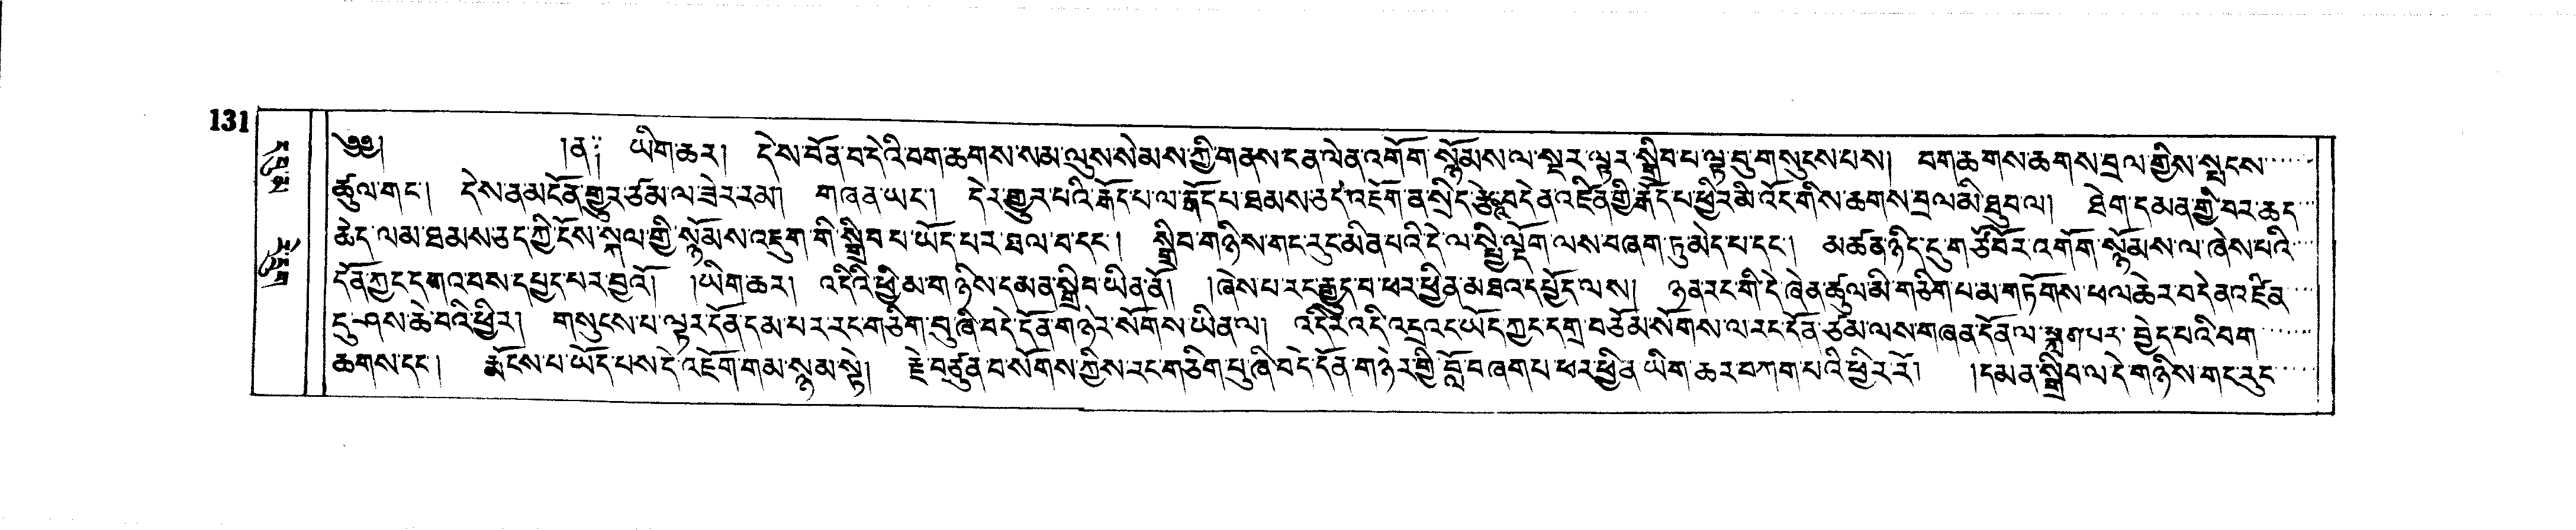༄༅། །ན༑ ཡིག་ཆར། དེ་ས་བོན་བ་དེའི་བག་ཆགས་སམ་ལུས་སེམས་ཀྱི་གནས་ངན་ལེན་འགོག་སྙོམས་ལ་སྔར་ལྟར་སྒྲིབ་པ་ལྟ་བུ་གསུངས་པས། བག་ཆགས་ཆགས་བྲལ་གྱིས་སྤངས་
ཚུལ་གང་། དེས་ན་མངོན་གྱུར་ཙམ་ལ་ཟེར་རམ། གཞན་ཡང་། དེར་གྱུར་པའི་རྒོད་པ་ལ་རྒོད་པ་ཐམས་ཅད་འཇོག་ན་སྲིད་རྩེའི་བདེན་འཛིན་གྱི་རྒོད་པ་ཕྱིར་མི་འོང་གིས་ཆགས་བྲལ་མི་ཐུབ་ལ། ཐེག་དམན་གྱི་བར་ཆད་
ཆེད་ལམ་ཐམས་ཅད་ཀྱི་ངོས་སྐལ་གྱི་སྙོམས་འཇུག་གི་སྒྲིབ་པ་ཡོད་པར་ཐལ་བ་དང་། སྒྲིབ་གཉིས་གང་རུང་མིན་པའི་དེ་ལ་སྤྱི་ལྡོག་ལས་བཞག་ཏུ་མེད་པ་དང་། མཚན་ཉིད་དུ་གཙོ་བོར་འགོག་སྙོམས་ལ་ཞེས་པའི་
དོན་ཀྱང་དགའ་བས་དཔྱད་པར་བྱའོ། །ཡིག་ཆར། འདིའི་ཕྱི་མ་གཉིས་དམན་སྒྲིབ་ཡིན་ནོ། །ཞེས་པ་རང་རྒྱུད་པ་ཕར་ཕྱིན་མཐའ་དཔྱོད་ལས། ཉན་རང་གི་དེ་ཞེན་ཚུལ་མི་གཅིག་པ་མ་གཏོགས་ཕལ་ཆེར་བདེན་འཛིན་
དུ་ཤས་ཆེ་བའི་ཕྱིར། གསུངས་པ་ལྟར་དོན་དམ་པ་རང་གཅིག་བུ་ཞི་བདེ་དོན་གཉེར་སོགས་ཡིན་ལ། འདིར་འདི་འདྲའྔ་ཡོད་ཀྱང་དགྲ་བཅོམ་སོགས་ལ་རང་དོན་ཙམ་ལས་གཞན་དོན་ལ་སྐྲག་པར་བྱེད་པའི་བག་
ཆགས་དང་། རྨོངས་པ་ཡོད་པས་དེ་འཇོག་གམ་སྙམ་སྟེ། རྗེ་བཙུན་བ་སོགས་ཀྱིས་རང་གཅིག་བུ་ཞེ་བདེ་དོན་གཉེར་གྱི་བློ་བཞག་པ་ཕར་ཕྱིན་ཡིག་ཆར་བཀག་པའི་ཕྱིར་རོ། །དམན་སྒྲིབ་ལ་དེ་གཉིས་གང་རུང་